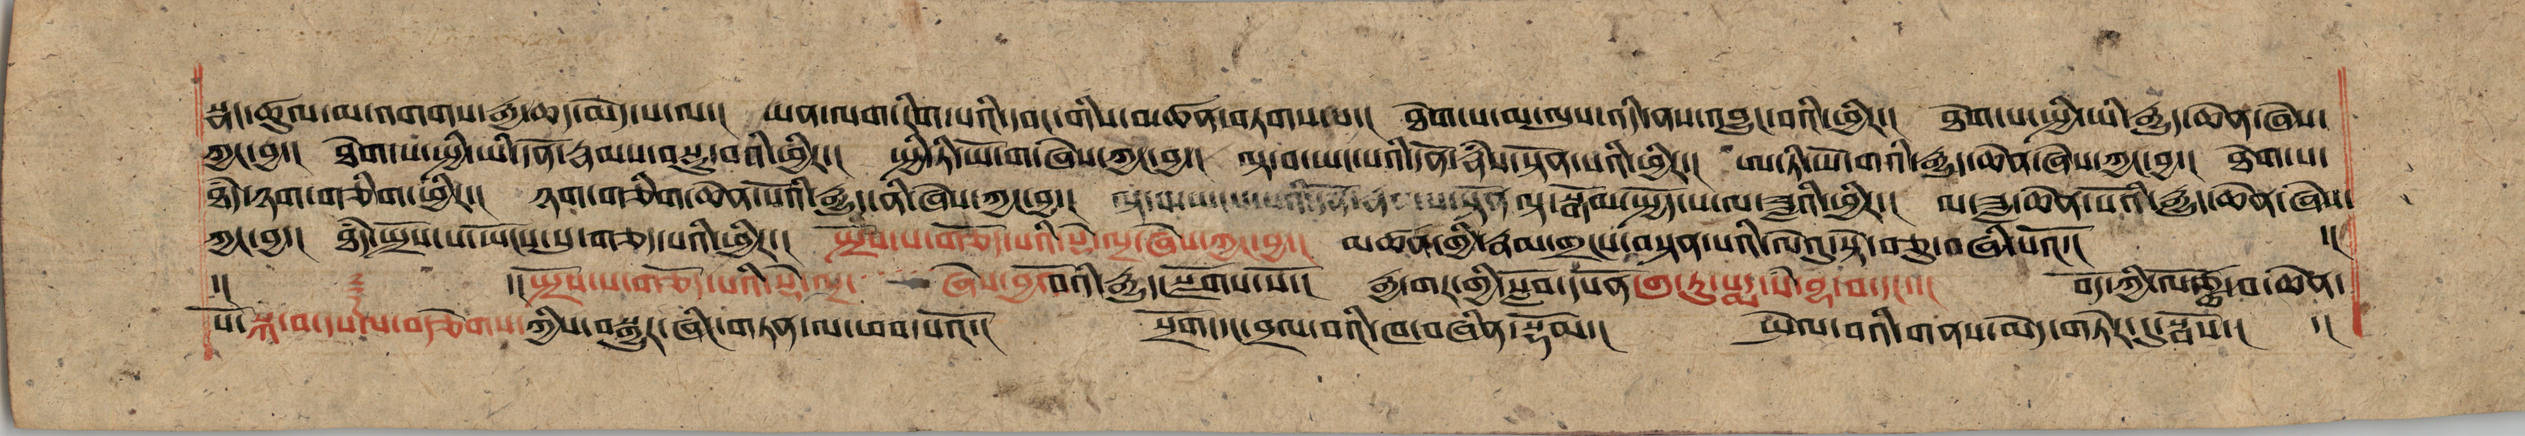སྣང་ཚུལ་མ་འགགས་རྒྱ་ཆད་མེད་པ་ལ་། ཡན་ལག་རིག་པའི་དབང་གིས་མཚན་བཏགས་པ་། ཐེག་པ་མ་ལུས་འདི་ནས་འབྱུང་བའི་ཕྱིར་། ཐེག་པ་སྤྱི་ཡི་རྒྱུད་ཆེན་ཞེས་
ཀྱང་བྱ་། ཐེག་པ་སྤྱི་ཡི་དོན་རྣམས་བསྡུ་བའི་ཕྱིར་། སྤྱི་ཏེ་ཡོ་ག་ཞེས་ཀྱང་བྱ་། ལྟ་བ་ཡང་པའི་དོན་རྣཾས་སྟོན་པའི་ཕྱིར་། ཨ་ཏི་ཡོ་གའི་རྒྱུ་ཆེན་ཞེས་ཀྱང་བྱ་། ཐེག་པ་
ཐཾད་ཉག་གཅིག་ཕྱིར་། ཉག་གཅིག་ཆེན་པོའི་རྒྱུད་ནི་ཞེས་ཀྱང་བྱ་། ལྟ་བ་ཡངས་པའི་དོན་རྣམས་སྟོན་ལྟ་སྒོམ་སྤྱོད་པ་ལ་ཟླའི་ཕྱིར་། མ་ཟླ་ཆེན་པོའི་རྒྱུད་ཆེན་ཞེས་
ཀྱང་བྱ་། ཐཾད་སྤྲོས་པ་ཡོངས་སུ་གཅད་པའི་ཕྱིར་། སྤྲོས་པ་གཅོད་པའི་སྡེ་ལྔ་ཞེས་ཀྱང་བྱ་། མཚན་གྱི་རྣམ་གྲངས་བསྟན་པའི་ལེའུ་སྟེ་བཅུ་བཞི་པའོ་། ་།
༈ ་།སྤྲོས་པ་གཅོད་པའི་སྡེ་ལྔ་ ཞེས་བྱ་བའི་རྒྱུད་སྫོགས་སོ་། རྒྱ་གར་གྱི་སློབ་དཔོན་གུ་རུ་སདྨ་སཾ་བྷ་བ་དང་་། བོད་ཀྱི་ལོ་ཙྪ་བ་ཆེན་
པོ་སྐ་བ་དཔལ་བརྩེགས་ཀྱིས་བསྒྱུར་ཞིང་གཏན་ལ་ཕབ་པའོ་། སྲོག་དང་བྲལ་བའི་ཁ་བཞིན་སྡོམ་། སྤེལ་བའི་གནས་མེད་གཏེར་དུ་སྦསོ་། ་།